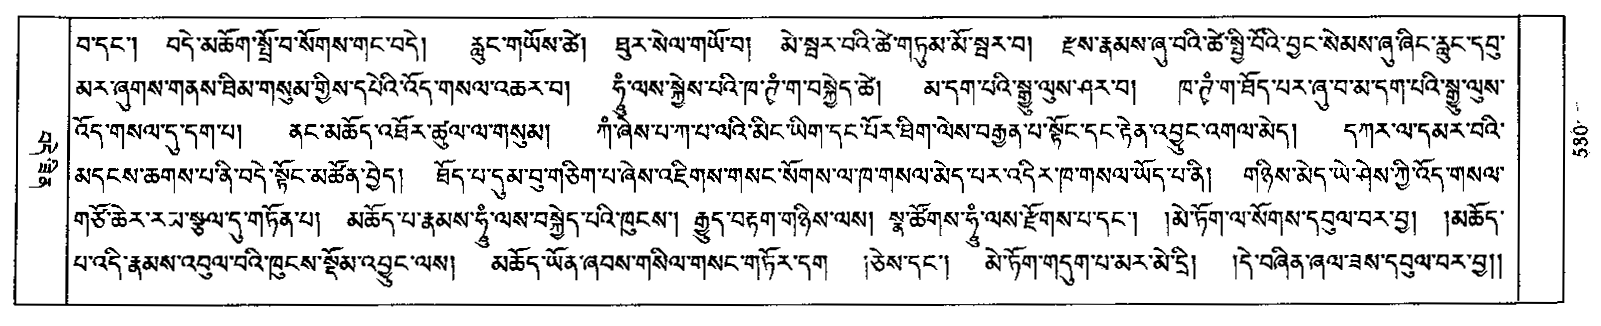བ་དང་། བདེ་མཆོག་སྤྲོ་བ་སོགས་གང་བདེ། རླུང་གཡོས་ཚེ། ཐུར་སེལ་གཡོ་བ། མེ་སྦར་བའི་ཚེ་གཏུམ་མོ་སྦར་བ། རྫས་རྣམས་ཞུ་བའི་ཚེ་སྤྱི་བོའི་བྱང་སེམས་ཞུ་ཞིང་རླུང་དབུ་
མར་ཞུགས་གནས་ཐིམ་གསུམ་གྱིས་དཔེའི་འོད་གསལ་འཆར་བ། ཧཱུཾ་ལས་སྐྱེས་པའི་ཁ་ཊྭཾ་ག་བསྐྱེད་ཚེ། མ་དག་པའི་སྒྱུ་ལུས་ཤར་བ། ཁ་ཊྭཾ་ག་ཐོད་པར་ཞུ་བ་མ་དག་པའི་སྒྱུ་ལུས་
འོད་གསལ་དུ་དག་པ། ནང་མཆོད་འཐོར་ཚུལ་ལ་གསུམ། ཀཾ་ཞེས་པ་ཀ་པ་ལའི་མིང་ཡིག་དང་པོར་ཐིག་ལེས་བརྒྱན་པ་སྟོང་དང་རྟེན་འབྱུང་འགལ་མེད། དཀར་ལ་དམར་བའི་
མདངས་ཆགས་པ་ནི་བདེ་སྟོང་མཚོན་བྱེད། ཐོད་པ་དུམ་བུ་གཅིག་པ་ཞེས་འཇིགས་གསང་སོགས་ལ་ཁ་གསལ་མེད་པར་འདིར་ཁ་གསལ་ཡོད་པ་ནི། གཉིས་མེད་ཡེ་ཤེས་ཀྱི་འོད་གསལ་
གཙོ་ཆེར་རམ་སྩལ་དུ་གཏོན་པ། མཆོད་པ་རྣམས་ཧཱུཾ་ལས་བསྐྱེད་པའི་ཁུངས། རྒྱུད་བརྟག་གཉིས་ལས། སྣ་ཚོགས་ཧཱུཾ་ལས་རྫོགས་པ་དང་། །མེ་ཏོག་ལ་སོགས་དབུལ་བར་བྱ། །མཆོད་
པ་འདི་རྣམས་འབུལ་བའི་ཁུངས་སྡོམ་འབྱུང་ལས། མཆོད་ཡོན་ཞབས་གསིལ་གསང་གཏོར་དག །ཅེས་དང་། མེ་ཏོག་གདུག་པ་མར་མེ་དྲི། །དེ་བཞིན་ཞལ་ཟས་དབུལ་བར་བྱ།།